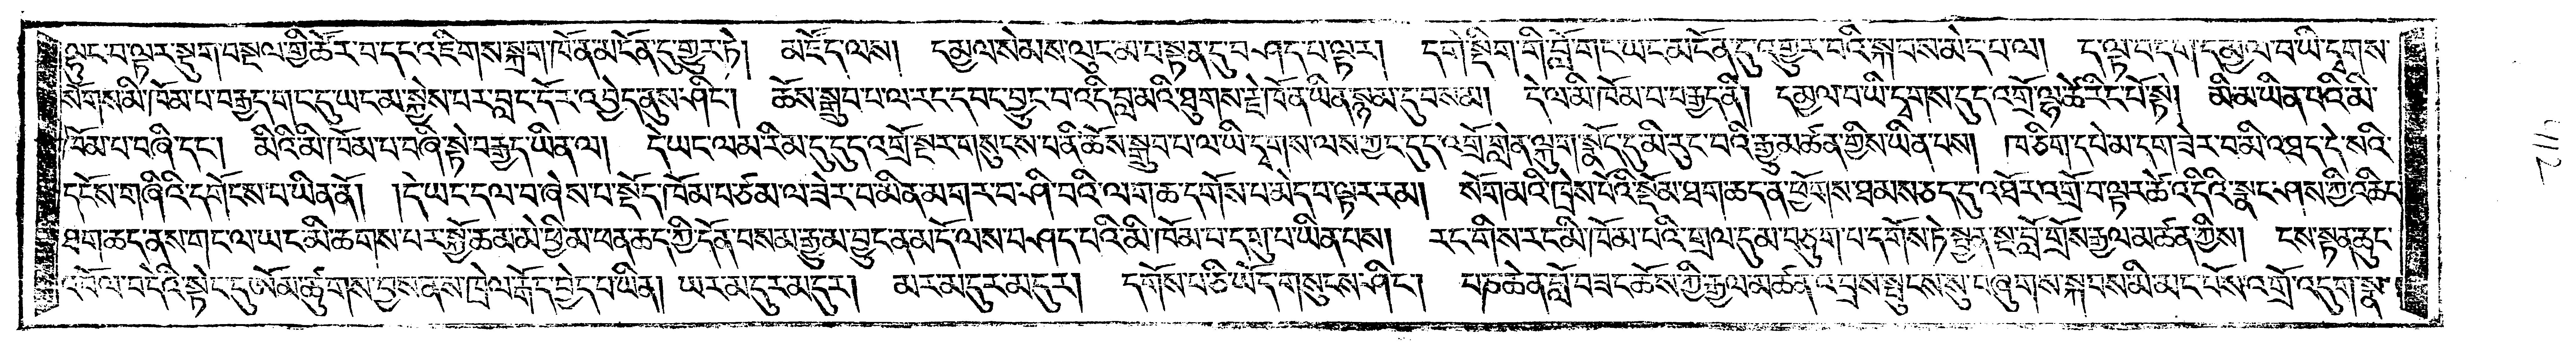ལྷུང་བ་ལྟར་སྡུག་བསྔལ་གྱི་ཚོར་བ་དང་འཇིགས་སྐྲག་ཁོ་ན་མངོན་དུ་གྱུར་ཏེ། མཛོད་ལས། དམྱལ་སེམས་ལུང་མ་བསྟན་དུ་བཤད་པ་ལྟར། དགེ་སྡིག་གི་བློ་གང་ཡང་མངོན་དུ་འགྱུར་བའི་སྐབས་མེད་པ་ལ། ད་ལྟ་བདག་དམྱལ་བ་ཡི་དྭགས་
སོགས་མི་ཁོམ་པ་བརྒྱད་གང་དུ་ཡང་མ་སྐྱེས་བྱར་བླང་དོར་འབྱེད་ནུས་ཤིག་ཆོས་སྒྲུབ་པ་ལ་རང་དབང་བྱུང་བ་འདི་བླ་མའི་ཐུགས་རྗེ་ཁོ་ན་ཡིན་སྙམ་དུ་བསམ། དེ་ལ་མི་ཁོམ་བ་བརྒྱད་ནི། དམྱལ་བ་ཡི་དྭགས་དུད་འགྲོ་ལྷ་ཚེ་རིང་པོ་སྟེ། མི་མ་ཡིན་པའི་མི་
ཁོམ་པ་བཞི་དང་། མིའི་མི་ཁོམ་པ་བཞི་སྟེ་བརྒྱད་ཡིན་ལ། དེ་ཡང་ལམ་རིམ་དུ་དུད་འགྲོ་སྔར་གསུངས་པ་ནི་ཆོས་སྒྲུབ་པ་ལ་ཡི་དྭགས་ལས་ཀྱང་དུད་འགྲོ་གླེན་ལྐུག་སྣོད་དུ་མི་རུང་བའི་རྒྱུ་མཚན་གྱིས་ཡིན་པས། ཁ་ཅིག་དཔེ་མ་དག་ཟེར་བ་མི་འཐད་དེ་སའི་
དངོས་གཞིའི་དགོངས་བ་ཡིན་ནོ། །དེ་ཡང་དལ་བ་ཞེས་པ་སྡོད་ཁོམ་བ་ཙམ་ལ་ཟེར་བ་མིན་མགར་བ་ཤི་བའི་ལག་ཆ་དགོས་པ་མེད་པ་ལྟར་རམ། སོག་མའི་ཁྲེས་པོའི་སྡོམ་ཐག་ཆད་ན་ཕྱོགས་ཐམས་ཅད་དུ་འཐོར་འགྲོ་བ་ལྟར་ཚེ་འདིའི་སྣང་ཤས་ཀྱི་འཆིད་
ཐག་ཆད་ནས་གང་ལ་ཡང་མི་ཆགས་པར་སྐྱོ་ཆམ་མེ་ཕྱི་མ་ཕན་ཆད་ཀྱི་དོན་བསམ་རྒྱུ་མ་བྱུང་ན་མདོ་ལས་བཤད་པའི་མི་ཁོམ་པ་དགུ་ཕ་ཡིན་པས། རང་གིས་རང་མི་ཁོམ་པའི་གྲལ་དུམ་བཅུག་པ་དགོས་ཏེ་སྤྱན་སྔ་བློ་གྲོས་རྒྱལ་མཚན་ཀྱིས། ངས་སྟན་ཆུང་
འབོལ་བདེའི་སྟེང་དུ་ཨོམ་ཚུགས་བྱས་ནས་ཁྲེལ་རྒོད་བྱེད་པ་ཡིན། ཡར་མདུར་མདུར། མར་མདུར་མདུར། དགོས་པ་ཅི་ཡོད་གསུངས་ཤིང་། པཎ་ཆེན་བློ་བཟང་ཆོས་ཀྱི་རྒྱལ་མཚན་འབྲས་སྤུངས་སུ་བཞུགས་སྐབས་མི་མང་པོས་འགྲོ་འདུག་སྣ་